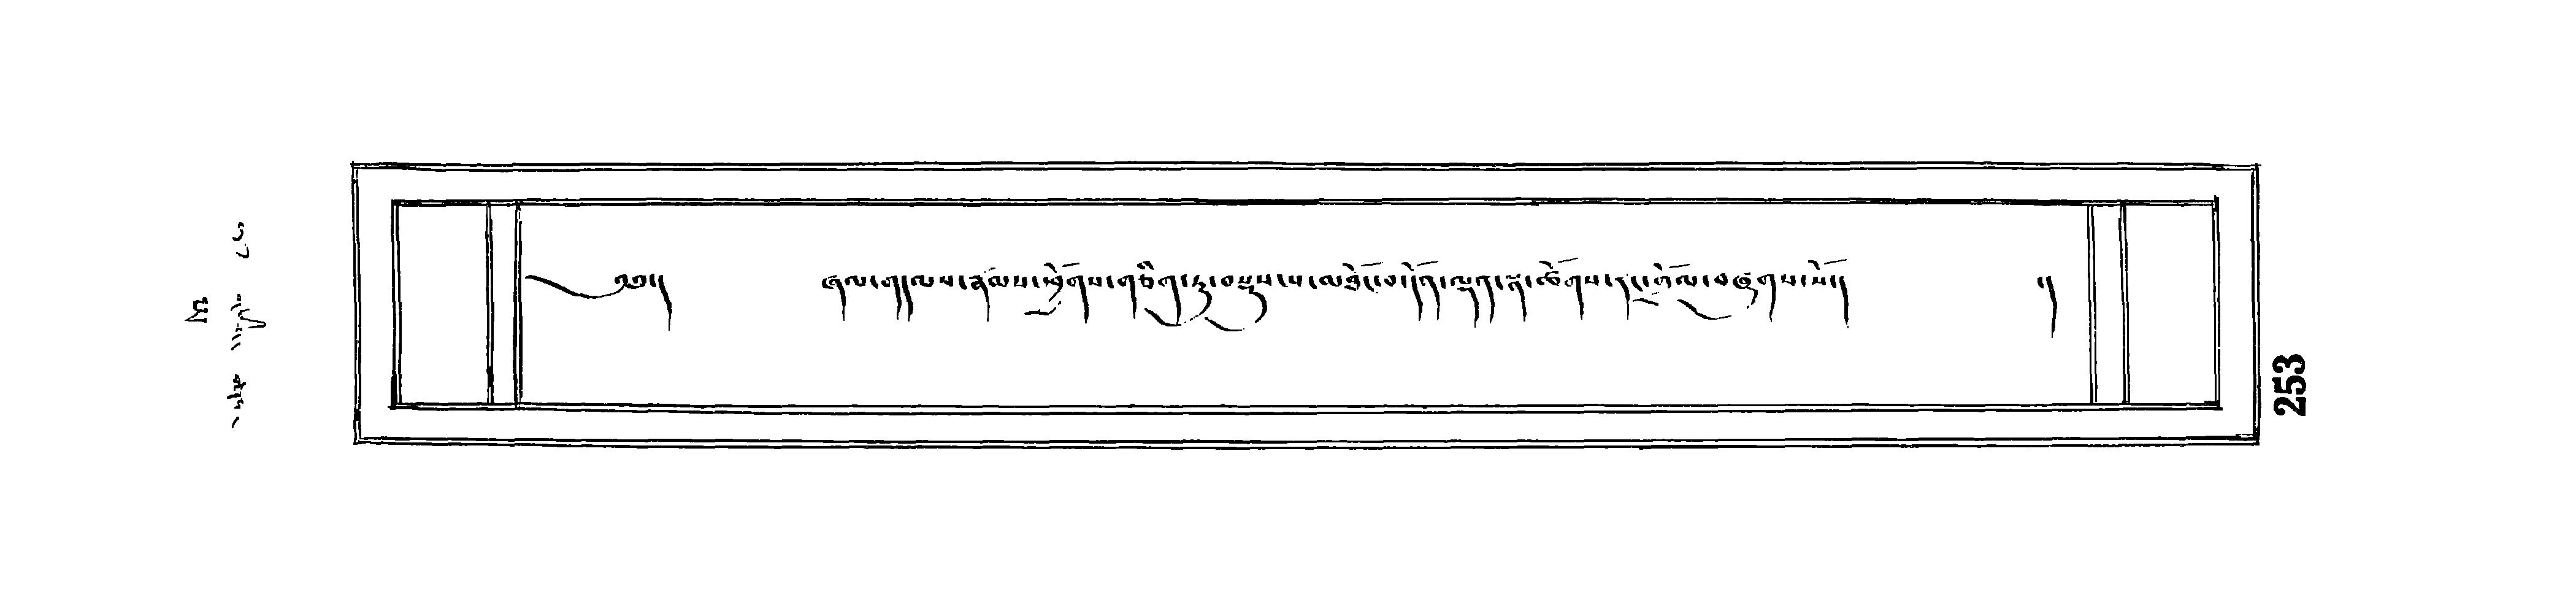༄༅། ཞལ་གདམས་རྣམས་ཕྱོགས་གཅིག་ཏུ་བསྡུས་པ་མཐོང་བ་དོན་ལྡན་སྣ་ཚོགས་རང་གྲོལ་བཞུགས་སོ།